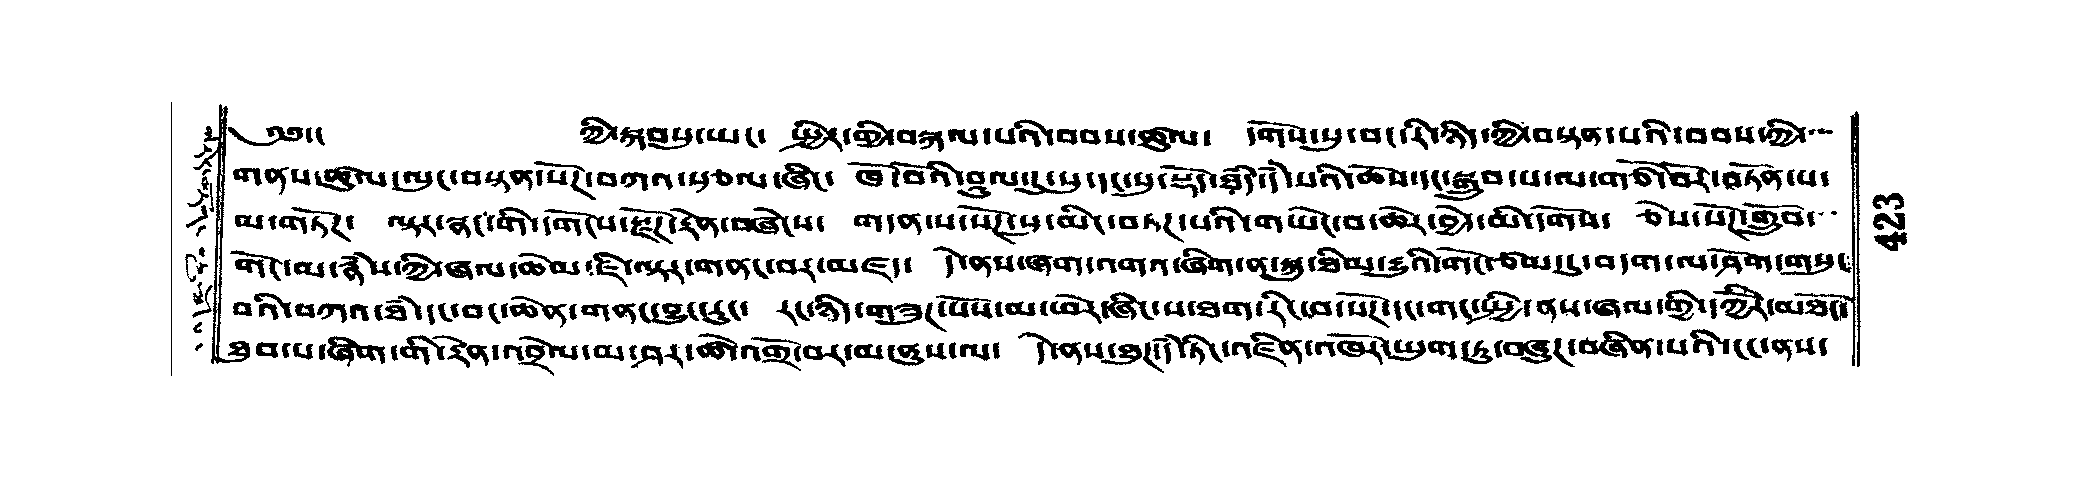ཀྱི་སྐབས་སུ་ཡང་། སྤྱིར་གྱི་བསྐལ་པའི་བབས་ཚུལ། དགོས་སུ་བང་རི་ཉིད་ཀྱི་བསྟན་པའི་བབས་ཀྱི་
གནས་ཚུལ་ལུང་བསྟན་སོགས་བཀའ་སྩལ་ཞིང་། ཁོ་བོའི་ཤུལ་དུ་སུ་དང་སུ་སྡོད་ཐམས་ཅད་དམ་པའི་ཆོས་དང་སྒྲུབ་པ་ལ་གཙོ་བོར་བཏོན་པ་
མ་གཏོགས། ལྟར་སྣང་གི་དགོངས་རྫོགས་རྟེན་བཞེངས། གདན་ས་སོགས་སུ་མིང་བཏགས་པའི་གཡེང་བ་ཆེར་བྱེད་མི་དགོས། ཅེས་སོགས་གྲུབ་ཐོབ་
གོང་མ་རྣམས་ཀྱི་ཞལ་ཆེམ་ཇི་ལྟར་གནང་བར་མཛད། དེ་ནས་ཞག་འགའ་ཞིག་ན་སྐུ་ཐིམ་རྒྱུའི་གོང་ཙམ་དུ་བདག་ལ་ཤོག་གསུང་
བའི་བཀའ་ཐམ་དང་བང་ཆེན་གནང་བྱུང་རུང་། རང་ཉིད་གཟུགས་པོས་མ་ཕེར་ཞིང་ས་ཐག་རིང་བ་སོགས་དང་གང་སྤྱི་ནས་ཞལ་གྱི་དཀྱིལ་འཁོར་མཐོང་
ཐུབ་པ་ཞིག་གི་རྟེན་འབྲེལ་མ་ཤར་ཚེ་འགྲོ་བར་མ་ནུས་ལ། དེ་ནས་ཐུགས་དམ་ཏིང་འཛིན་འཁོར་ཡུག་ཏུ་བཞུགས་བཞིན་པའི་ངང་ནས་